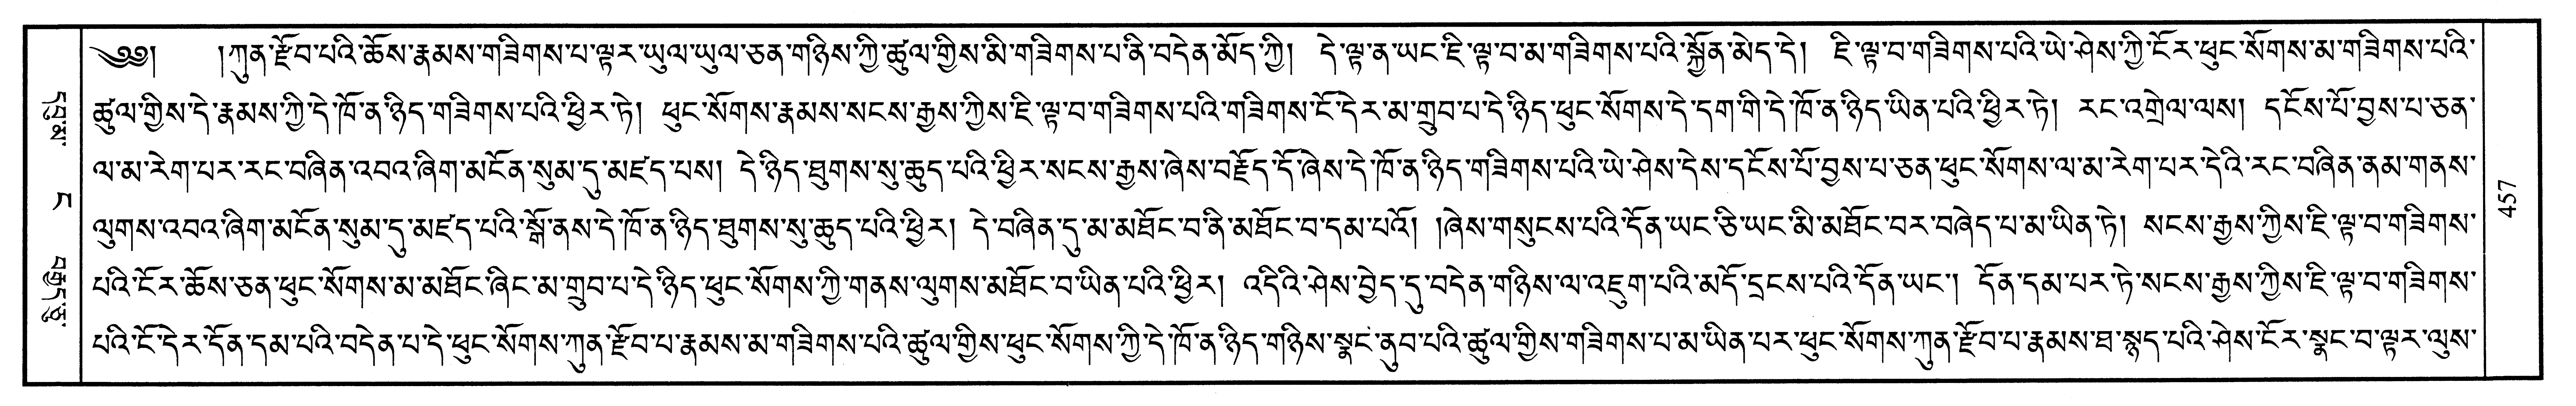༄༅། །ཀུན་རྫོབ་པའི་ཆོས་རྣམས་གཟིགས་པ་ལྟར་ཡུལ་ཡུལ་ཅན་གཉིས་ཀྱི་ཚུལ་གྱིས་མི་གཟིགས་པ་ནི་བདེན་མོད་ཀྱི། དེ་ལྟ་ན་ཡང་ཇི་ལྟ་བ་མ་གཟིགས་པའི་སྐྱོན་མེད་དེ། ཇི་ལྟ་བ་གཟིགས་པའི་ཡེ་ཤེས་ཀྱི་ངོར་ཕུང་སོགས་མ་གཟིགས་པའི་
ཚུལ་གྱིས་དེ་རྣམས་ཀྱི་དེ་ཁོ་ན་ཉིད་གཟིགས་པའི་ཕྱིར་ཏེ། ཕུང་སོགས་རྣམས་སངས་རྒྱས་ཀྱིས་ཇི་ལྟ་བ་གཟིགས་པའི་གཟིགས་ངོ་དེར་མ་གྲུབ་པ་དེ་ཉིད་ཕུང་སོགས་དེ་དག་གི་དེ་ཁོ་ན་ཉིད་ཡིན་པའི་ཕྱིར་ཏེ། རང་འགྲེལ་ལས། དངོས་པོ་བྱས་པ་ཅན་
ལ་མ་རེག་པར་རང་བཞིན་འབའ་ཞིག་མངོན་སུམ་དུ་མཛད་པས། དེ་ཉིད་ཐུགས་སུ་ཆུད་པའི་ཕྱིར་སངས་རྒྱས་ཞེས་བརྗོད་དོ་ཞེས་དེ་ཁོ་ན་ཉིད་གཟིགས་པའི་ཡེ་ཤེས་དེས་དངོས་པོ་བྱས་པ་ཅན་ཕུང་སོགས་ལ་མ་རེག་པར་དེའི་རང་བཞིན་ནམ་གནས་
ལུགས་འབའ་ཞིག་མངོན་སུམ་དུ་མཛད་པའི་སྒོ་ནས་དེ་ཁོ་ན་ཉིད་ཐུགས་སུ་ཆུད་པའི་ཕྱིར། དེ་བཞིན་དུ་མ་མཐོང་བ་ནི་མཐོང་བ་དམ་པའོ། །ཞེས་གསུངས་པའི་དོན་ཡང་ཅི་ཡང་མི་མཐོང་བར་བཞེད་པ་མ་ཡིན་ཏེ། སངས་རྒྱས་ཀྱིས་ཇི་ལྟ་བ་གཟིགས་
པའི་ངོར་ཆོས་ཅན་ཕུང་སོགས་མ་མཐོང་ཞིང་མ་གྲུབ་པ་དེ་ཉིད་ཕུང་སོགས་ཀྱི་གནས་ལུགས་མཐོང་བ་ཡིན་པའི་ཕྱིར། འདིའི་ཤེས་བྱེད་དུ་བདེན་གཉིས་ལ་འཇུག་པའི་མདོ་དྲངས་པའི་དོན་ཡང་། དོན་དམ་པར་ཏེ་སངས་རྒྱས་ཀྱིས་ཇི་ལྟ་བ་གཟིགས་
པའི་ངོར་དེར་དོན་དམ་པའི་བདེན་པ་དེ་ཕུང་སོགས་ཀུན་རྫོབ་པ་རྣམས་མ་གཟིགས་པའི་ཚུལ་གྱིས་ཕུང་སོགས་ཀྱི་དེ་ཁོ་ན་ཉིད་གཉིས་སྣང་ནུབ་པའི་ཚུལ་གྱིས་གཟིགས་པ་མ་ཡིན་པར་ཕུང་སོགས་ཀུན་རྫོབ་པ་རྣམས་ཐ་སྙད་པའི་ཤེས་ངོར་སྣང་བ་ལྟར་ལུས་